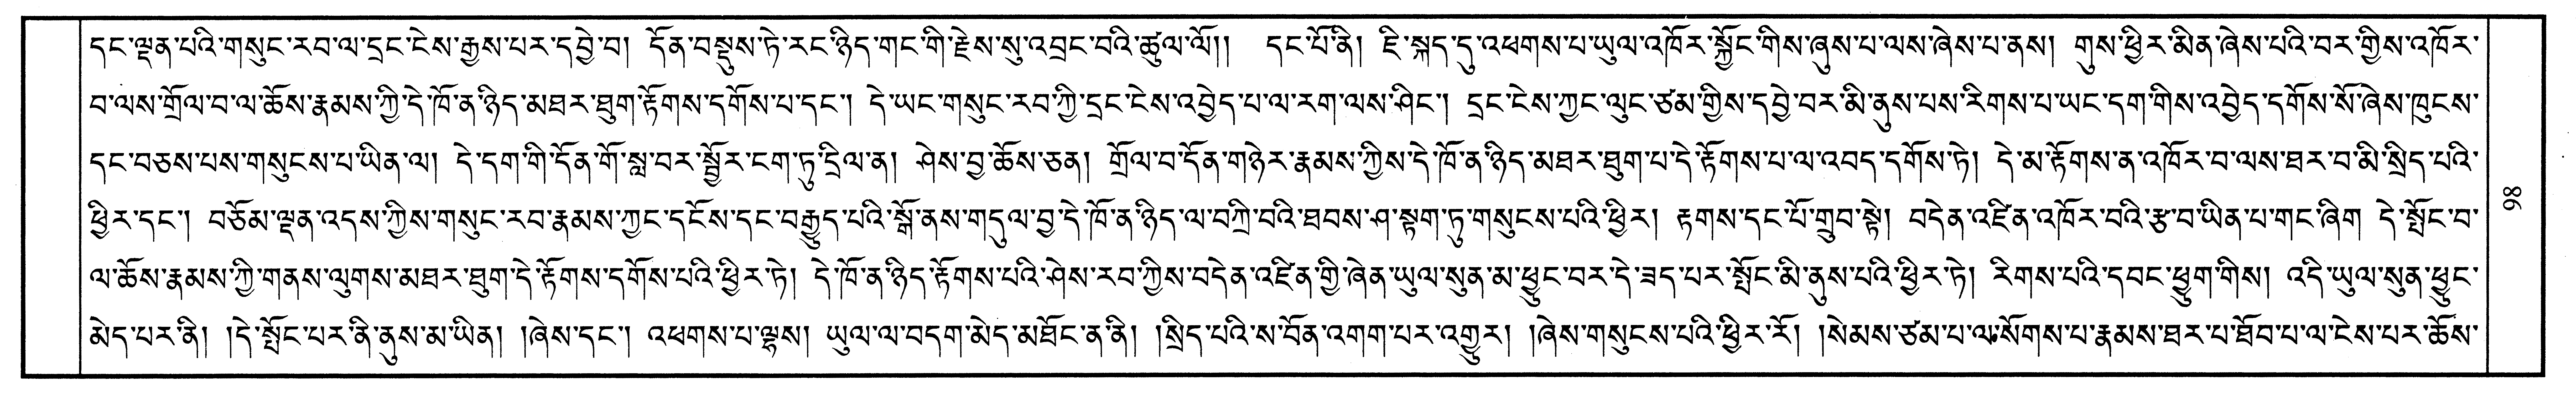དང་ལྡན་པའི་གསུང་རབ་ལ་དྲང་ངེས་རྒྱས་པར་དབྱེ་བ། དོན་བསྡུས་ཏེ་རང་ཉིད་གང་གི་རྗེས་སུ་འབྲང་བའི་ཚུལ་ལོ།། དང་པོ་ནི། ཇི་སྐད་དུ་འཕགས་པ་ཡུལ་འཁོར་སྐྱོང་གིས་ཞུས་པ་ལས་ཞེས་པ་ནས། གུས་ཕྱིར་མིན་ཞེས་པའི་བར་གྱིས་འཁོར་
བ་ལས་གྲོལ་བ་ལ་ཆོས་རྣམས་ཀྱི་དེ་ཁོ་ན་ཉིད་མཐར་ཐུག་རྟོགས་དགོས་པ་དང་། དེ་ཡང་གསུང་རབ་ཀྱི་དྲང་ངེས་འབྱེད་པ་ལ་རག་ལས་ཤིང་། དྲང་ངེས་ཀྱང་ལུང་ཙམ་གྱིས་དབྱེ་བར་མི་ནུས་པས་རིགས་པ་ཡང་དག་གིས་འབྱེད་དགོས་སོ་ཞེས་ཁུངས་
དང་བཅས་པས་གསུངས་པ་ཡིན་ལ། དེ་དག་གི་དོན་གོ་སླ་བར་སྦྱོར་ངག་ཏུ་དྲིལ་ན། ཤེས་བྱ་ཆོས་ཅན། གྲོལ་བ་དོན་གཉེར་རྣམས་ཀྱིས་དེ་ཁོ་ན་ཉིད་མཐར་ཐུག་པ་དེ་རྟོགས་པ་ལ་འབད་དགོས་ཏེ། དེ་མ་རྟོགས་ན་འཁོར་བ་ལས་ཐར་བ་མི་སྲིད་པའི་
ཕྱིར་དང་། བཅོམ་ལྡན་འདས་ཀྱིས་གསུང་རབ་རྣམས་ཀྱང་དངོས་དང་བརྒྱུད་པའི་སྒོ་ནས་གདུལ་བྱ་དེ་ཁོ་ན་ཉིད་ལ་བཀྲི་བའི་ཐབས་ཤ་སྟག་ཏུ་གསུངས་པའི་ཕྱིར། རྟགས་དང་པོ་གྲུབ་སྟེ། བདེན་འཛིན་འཁོར་བའི་རྩ་བ་ཡིན་པ་གང་ཞིག །དེ་སྤོང་བ་
ལ་ཆོས་རྣམས་ཀྱི་གནས་ལུགས་མཐར་ཐུག་དེ་རྟོགས་དགོས་པའི་ཕྱིར་ཏེ། དེ་ཁོ་ན་ཉིད་རྟོགས་པའི་ཤེས་རབ་ཀྱིས་བདེན་འཛིན་གྱི་ཞེན་ཡུལ་སུན་མ་ཕྱུང་བར་དེ་ཟད་པར་སྤོང་མི་ནུས་པའི་ཕྱིར་ཏེ། རིགས་པའི་དབང་ཕྱུག་གིས། འདི་ཡུལ་སུན་ཕྱུང་
མེད་པར་ནི། །དེ་སྤོང་པར་ནི་ནུས་མ་ཡིན། །ཞེས་དང་། འཕགས་པ་ལྷས། ཡུལ་ལ་བདག་མེད་མཐོང་ན་ནི། །སྲིད་པའི་ས་བོན་འགག་པར་འགྱུར། །ཞེས་གསུངས་པའི་ཕྱིར་རོ། །སེམས་ཙམ་པ་ལ་སོགས་པ་རྣམས་ཐར་པ་ཐོབ་པ་ལ་ངེས་པར་ཆོས་